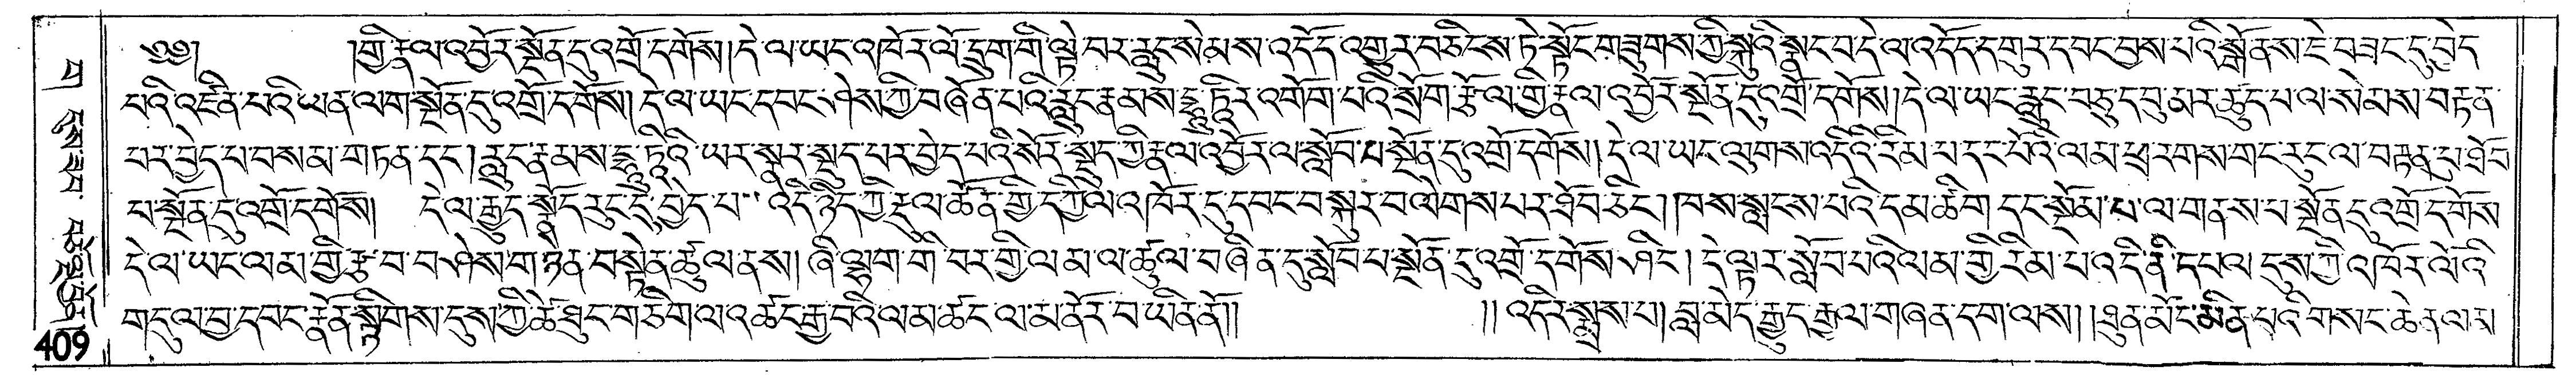༄༅། །གྱི་རྣལ་འབྱོར་སྔོན་དུ་འགྲོ་དགོས། དེ་ལ་ཡང་འཁོར་ལོ་དྲུག་གི་ལྟེ་བར་རླུང་སེམས་འདོད་འགྱུར་བཅིངས་ཏེ་སྟོང་གཟུགས་ཀྱི་སྐུའི་སྣང་བ་དེ་ལ་འདོད་དགུར་དབང་བྱས་པའི་སྒོ་ནས་ཇེ་བཟང་དུ་བྱེད་
པའི་འཛིན་པའི་ཡན་ལག་སྔོན་དུ་འགྲོ་དགོས། དེ་ལ་ཡང་དབང་ཤེས་ཀྱི་བཞོན་པའི་རླུང་རྣམས་དྷཱུ་ཏཱིར་འགོག་པའི་སྲོག་རྩོལ་གྱི་རྣལ་འབྱོར་སྔོན་དུ་འགྲོ་དགོས། དེ་ལ་ཡང་རླུང་བཅུ་དབུ་མར་ཚུད་པ་ལ་སེམས་བརྟན་
པར་བྱེད་པ་བསམ་གཏན་དང་། རླུང་རྣམས་དྷཱུ་ཏཱིའི་ཡར་སྣར་སྡུད་པར་བྱེད་པའི་སོར་སྡུད་ཀྱི་རྣལ་འབྱོར་ལ་སློབ་པ་སྔོན་དུ་འགྲོ་དགོས། དེ་ལ་ཡང་ལུགས་འདིའི་རིམ་པ་དང་པོའི་ལམ་ཕྲ་རགས་གང་རུང་ལ་བརྟན་པ་ཐོབ་
པ་སྔོན་དུ་འགྲོ་དགོས། དེ་ལ་རྒྱུད་སྣོད་རུང་དུ་བྱེད་པ་འདི་ཉིད་ཀྱི་རྡུལ་ཚོན་གྱི་དཀྱིལ་འཁོར་དུ་དབང་བསྐུར་བ་ལེགས་པར་ཐོབ་ཅིང་། ཁས་སླངས་པའི་དམ་ཚིག་དང་སྡོམ་པ་ལ་གནས་པ་སྔོན་དུ་འགྲོ་དགོས་
དེ་ལ་ཡང་ལམ་གྱི་རྩ་བ་བཤེས་གཉེན་བསྟེན་ཚུལ་ནས། ཞི་ལྷག་གི་བར་གྱི་ལམ་ལ་ཚུལ་བཞིན་དུ་སློབ་པ་སྔོན་དུ་འགྲོ་དགོས་ཤིང་། དེ་ལྟར་སློབ་པའི་ལམ་གྱི་རིམ་པ་འདི་ནི་དཔལ་དུས་ཀྱི་འཁོར་ལོའི་
གདུལ་བྱ་དབང་རྣོན་སྙིགས་དུས་ཀྱི་ཚེ་ཐུང་གཅིག་ལ་འཚང་རྒྱ་བའི་ལམ་ཚང་ལ་མ་ནོར་བ་ཡིན་ནོ།། །།འདིར་སྨྲས་པ། བླ་མེད་རྒྱུད་རྒྱལ་གཞན་དག་ལས། །ཐུན་མོང་མིན་པའི་གསང་ཆེན་ལམ་